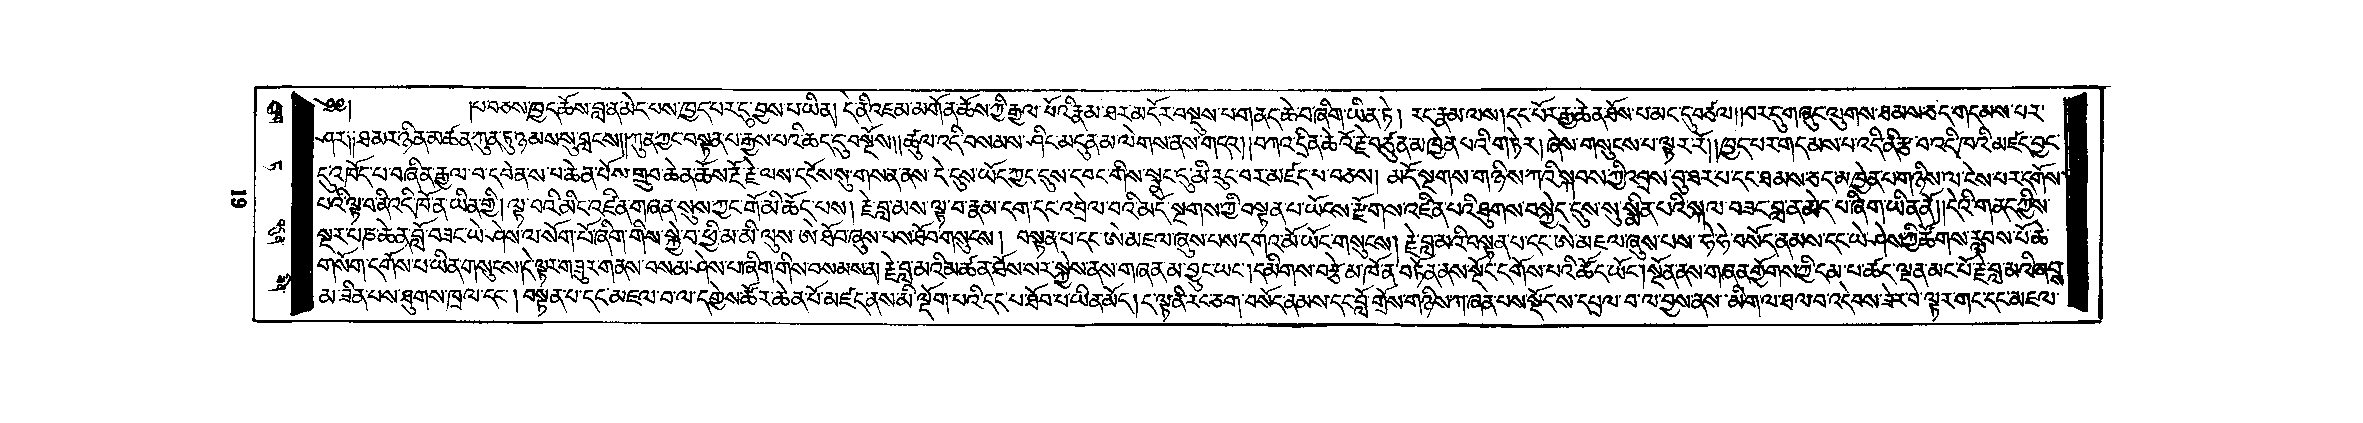༄༅། །པ་བཅས་ཁྱད་ཆོས་བླ་ན་མེད་པས་ཁྱད་པར་དུ་བྱས་པ་ཡིན། དེ་ནི་འཇམ་མགོན་ཆོས་ཀྱི་རྒྱལ་པོའི་རྣམ་ཐར་མདོར་བསྡུས་པ་གནད་ཆེ་བ་ཞིག་ཡིན་ཏེ། རང་རྣམས་ལས། དང་པོར་རྒྱ་ཆེན་ཐོས་པ་མང་དུ་བཙལ། །བར་དུ་གཞུང་ལུགས་ཐམས་ཅད་གདམས་པར་
ཤར། །ཐ་མར་ཉིན་མཚན་ཀུན་ཏུ་ཉམས་སུ་བླངས། །ཀུན་ཀྱང་བསྟན་པ་རྒྱས་པའི་ཆད་དུ་བསྔོས། །ཚུལ་འདི་བསམས་ཤིང་མདུན་མ་ལེགས་ནས་གདའ། །བཀའ་དྲིན་ཆེའོ་རྗེ་བཙུན་མཁྱེན་པའི་གཏེར། ཞེས་གསུངས་པ་ལྟར་རོ། །ཁྱད་པར་གདམས་པ་འདི་ནི་རྩ་བ་འདི་ཁའི་མཛད་བྱང་
དུ་འཁོད་པ་བཞིན་རྒྱལ་བ་དབེན་ས་པ་ཆེན་པོས་གྲུབ་ཆེན་ཆོས་རྡོ་རྗེ་ལས་དངོས་སུ་གསན་ནས་དེ་དུས་ཡོད་ཀྱང་དུས་དབང་གིས་སྣང་དུ་མི་རུང་བར་མཛད་པ་བཅས། མདོ་སྔགས་གཉིས་ཀའི་སྐབས་ཀྱི་འབྲས་བུ་ཐར་པ་དང་ཐམས་ཅད་མཁྱེན་པ་གཉིས་ལ་ངེས་པར་དགོས་
པའི་ལྟ་བ་ནི་འདི་ཁོ་ན་ཡིན་གྱི། ལྟ་བའི་མིང་འཛིན་གཞན་སུས་ཀྱང་གོ་མི་ཆོད་པས། རྗེ་བླ་མས་ལྟ་བ་རྣམ་དག་དང་འབྲེལ་བའི་མདོ་སྔགས་ཀྱི་བསྟན་པ་ཡོངས་རྫོགས་འཛིན་པའི་ཐུགས་བསྐྱེད་དུས་སུ་སྨིན་པའི་སྐལ་བཟང་བླ་ན་མེད་པ་ཞིག་ཡིན་ནོ། །དེའི་གནད་ཀྱིས་
སྔར་པཎ་ཆེན་བློ་བཟང་ཡེ་ཤེས་ལ་སོག་པོ་ཞིག་གིས་སྐྱེ་བ་ཕྱི་མ་མི་ལུས་ཨེ་ཐོབ་ཞུས་པས་ཐོབ་གསུངས། བསྟན་པ་དང་ཨེ་མཇལ་ཞུས་པས་དགའ་མོ་ཡོང་གསུངས། རྗེ་བླ་མའི་བསྟན་པ་དང་ཨེ་མཇལ་ཞུས་པས་ཧེ་ཧེ་བསོད་ནམས་དང་ཡེ་ཤེས་ཀྱི་ཚོགས་རླབས་པོ་ཆེ་
གསོག་དགོས་པ་ཡིན་གསུངས། དེ་ལྟར་གཟུར་གནས་བསམ་ཤེས་པ་ཞིག་གིས་བསམས་ན། རྗེ་བླ་མའི་མཚན་ཐོས་སར་སྐྱེས་ནས་གཞན་མ་བྱུང་ཡང་། དམིགས་བརྩེ་མ་ཁོ་ན་བཏོན་ནས་སྡོང་དགོས་པའི་ཚོད་ཡོང་། སྔོན་ནས་གཞན་གྱོགས་ཀྱི་དམ་པ་ཚད་ལྡན་མང་པོ་རྗེ་བླ་མའི་ཞབས་
མ་ཟིན་པས་ཐུགས་ཁྲལ་དང་། བསྟན་པ་དང་མཇལ་བ་ལ་དགྱེས་ཚོར་ཆེན་པོ་མཛད་ནས་མི་ལྡོག་པའི་དད་པ་ཐོབ་པའི་ཡིན་མོད། ད་ལྟ་ནི་རང་ཅག་བསོད་ནམས་དང་བློ་གྲོས་གཉིས་ཀ་ཞན་པས་སྡོད་ས་དཔྲལ་བ་ལ་བྱས་ནས་མིག་ལ་ཐལ་བ་འདེབས་ཟེར་བ་ལྟར་གང་དང་མཇལ་